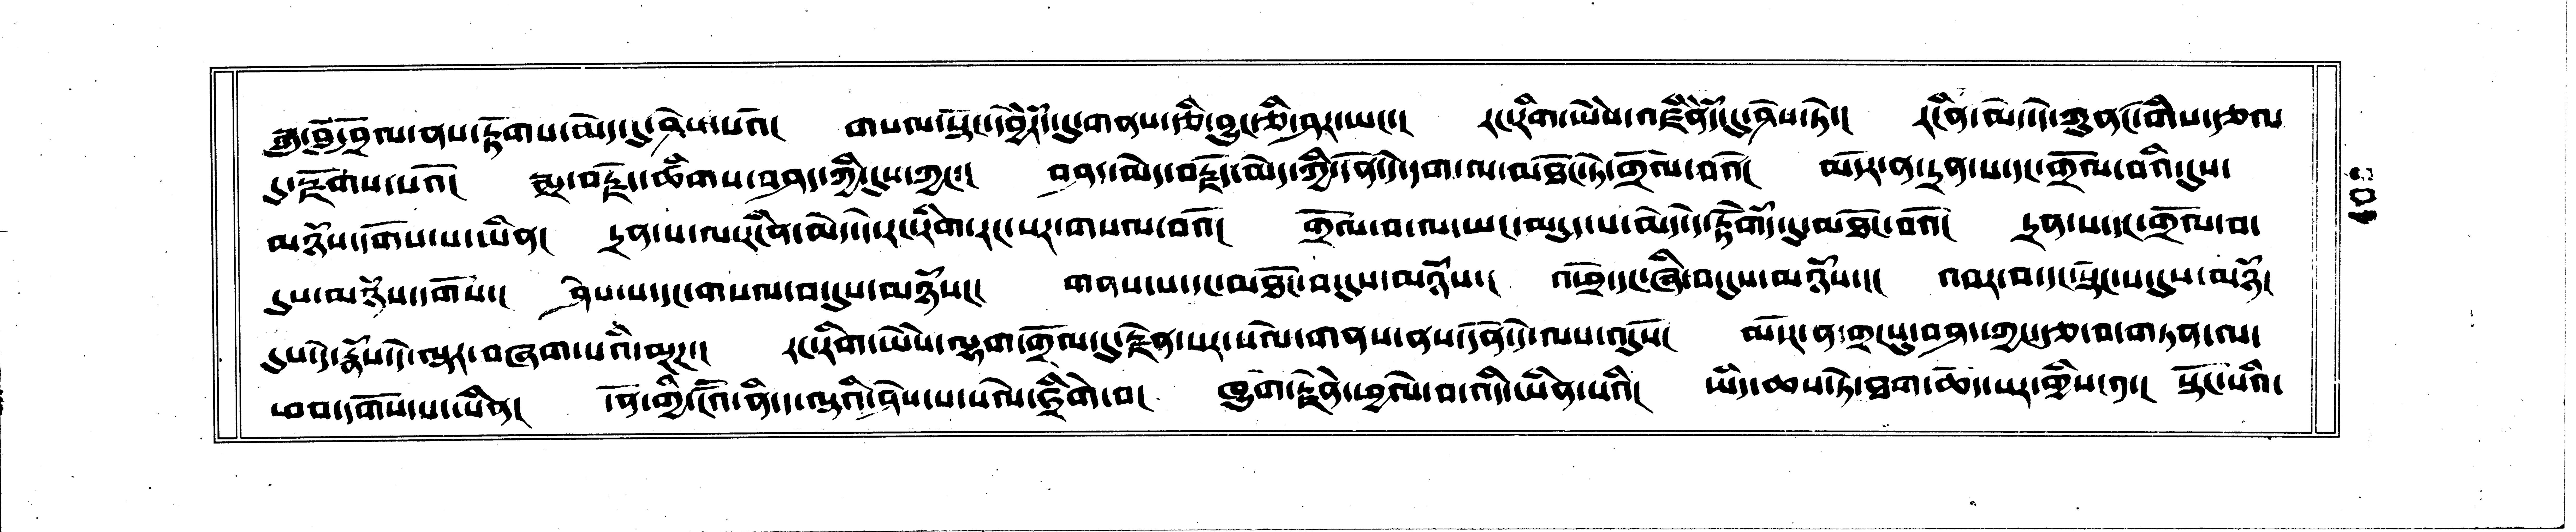སྐུ་བློ་བྲལ་རྟོག་མེད་དུ་ཤེས་པའོ། ཐམས་ཅད་ཅི་འབྱུང་ཅི་ཤར་ཡང་། རང་རིག་ཡེ་ཤེས་འཛིན་མེད་དུ་ཤེས་ཏེ། རང་བཞིན་མེད་དེ་ཀུན་བཟང་གིས་རྩལ་
དུ་རྫོགས་པའོ། སྨྲ་བརྗོད་ཚིག་བཤད་ཀྱིས་དུས་ཀྱང། བཤད་མེད་བརྗོད་མེད་ཀྱིས་དོན་དེ་ཀ་མཐོང་སྟེ་གྲོལ་བའོ། མདོར་ན་དྲན་པ་དང་གྲོལ་བ་དུས་
མཉམ་དགོས་པ་ཡིན། དྲན་པ་ལ་ཡང་རང་བཞིན་མེད་དེ། རང་རིག་རང་སར་གསལ་བའོ། གྲོལ་བ་ལ་ཡང་མདུད་པ་མེད་དེ། རྟོག་མེད་དུ་མཐོང་པའོ། དྲན་པ་དང་གྲོལ་བ་
དུས་མཉམ། ཤེས་པ་དང་གསལ་བ་དུས་མཉམ། གནས་པ་དང་མཐོང་པ་དུས་མཉམ། འཕྲོས་པ་དང་ཞི་བ་དུས་མཉམ། འབར་བ་དང་སྟོང་པ་དུས་མཉམ། 
དུས་དེ་རྣམས་དེ་ལྟར་མཉམ་པའི་མེ་ངག རང་རིག་ཡེ་ཤེས་ལྷག་གྲོལ་དུ་རྗེན་པར་སལེ་གནས་ན་དོན་དེ་ལས་འདུས་སོ། མདོར་ན་གྲངས་སུ་བཤད་ཀྱང་དོན་གྱིས་རྩ་བ་ཅིག་གཏན་ལ་
ཕབ་དགོས་པ་ཡིན། དོན་གྱིས་ངོའོ་ནི། ད་ལྟའི་ཤེས་པ་སལེ་བ། ཧྲིག་གེ་བ། ཁྱུག་གེ་བ། རྗེན་ནེ་བ། ཕྱལ་ལེ་བ་འདི་ཡིན་པས། ཡིད་ཆེས་ཐག་ཆོད་པར་གྱིས་ཤིག སྟོང་པའི་ངང་